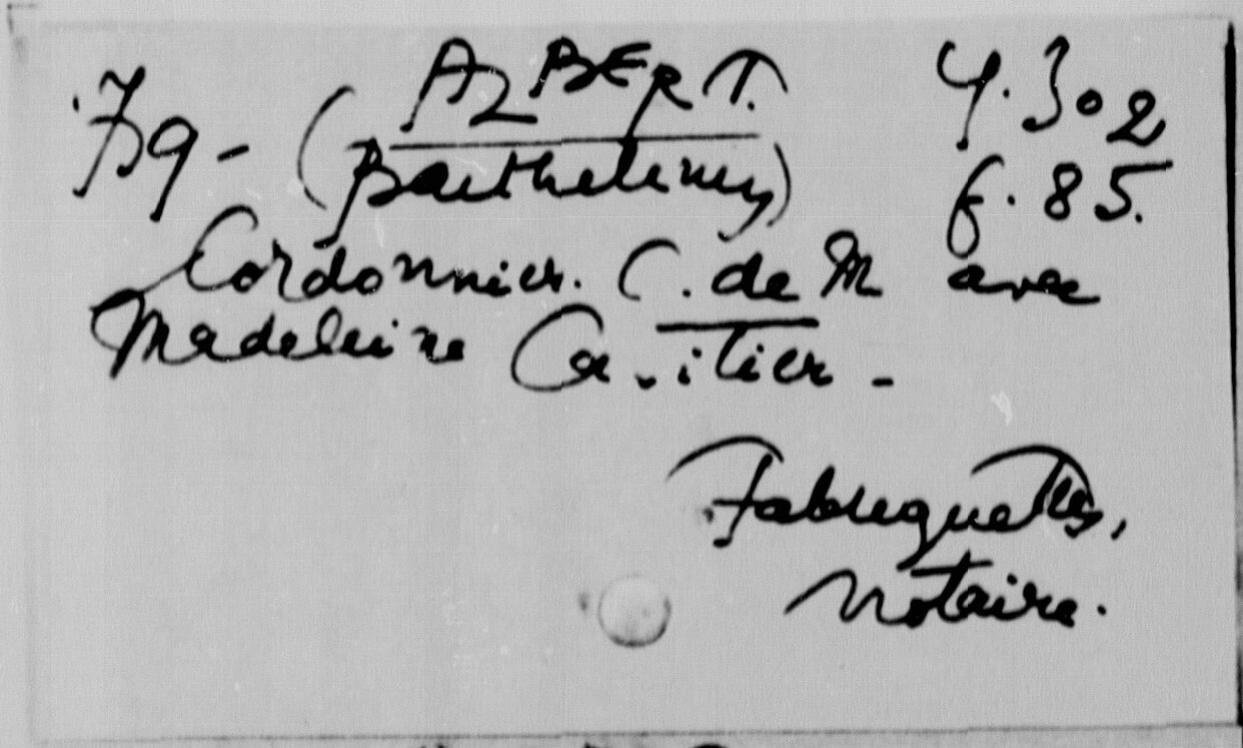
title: ALBERT (Barthélémy)
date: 1719
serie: Y
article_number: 302
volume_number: folio 85
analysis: Cordonnier. Contrat de mariage avec Madeleine Cavilier. Fabreguettes, notaire
